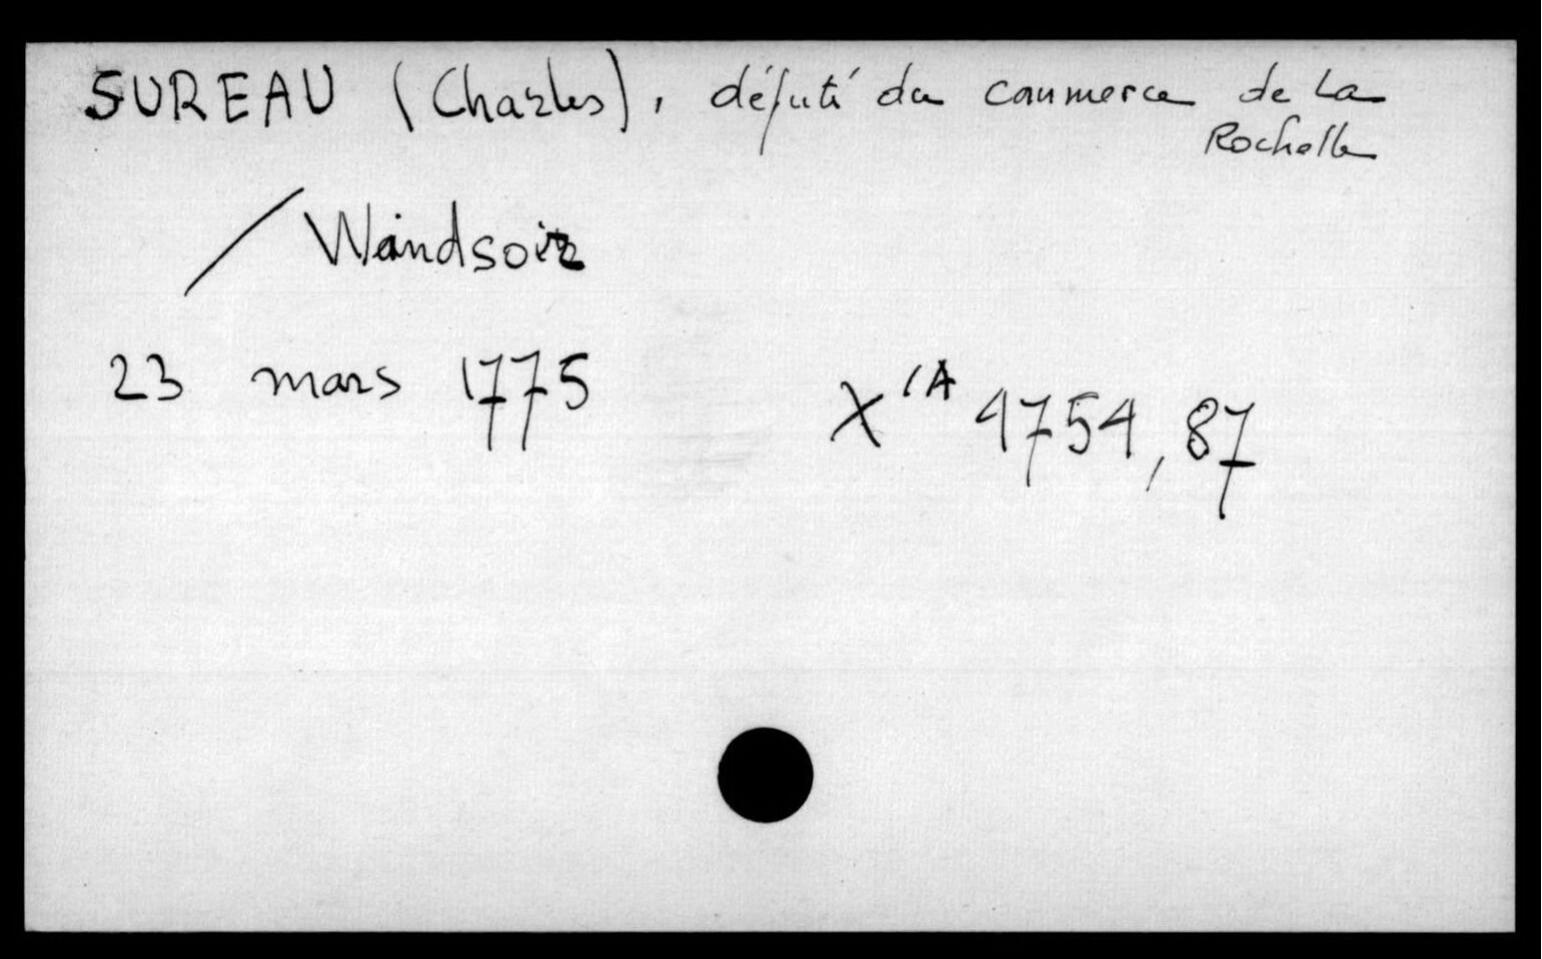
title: SUREAU (Charles), député du comerce de la Rochelle
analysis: Contre Windsor
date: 23 mars 1775
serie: X1A
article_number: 4754
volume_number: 87
